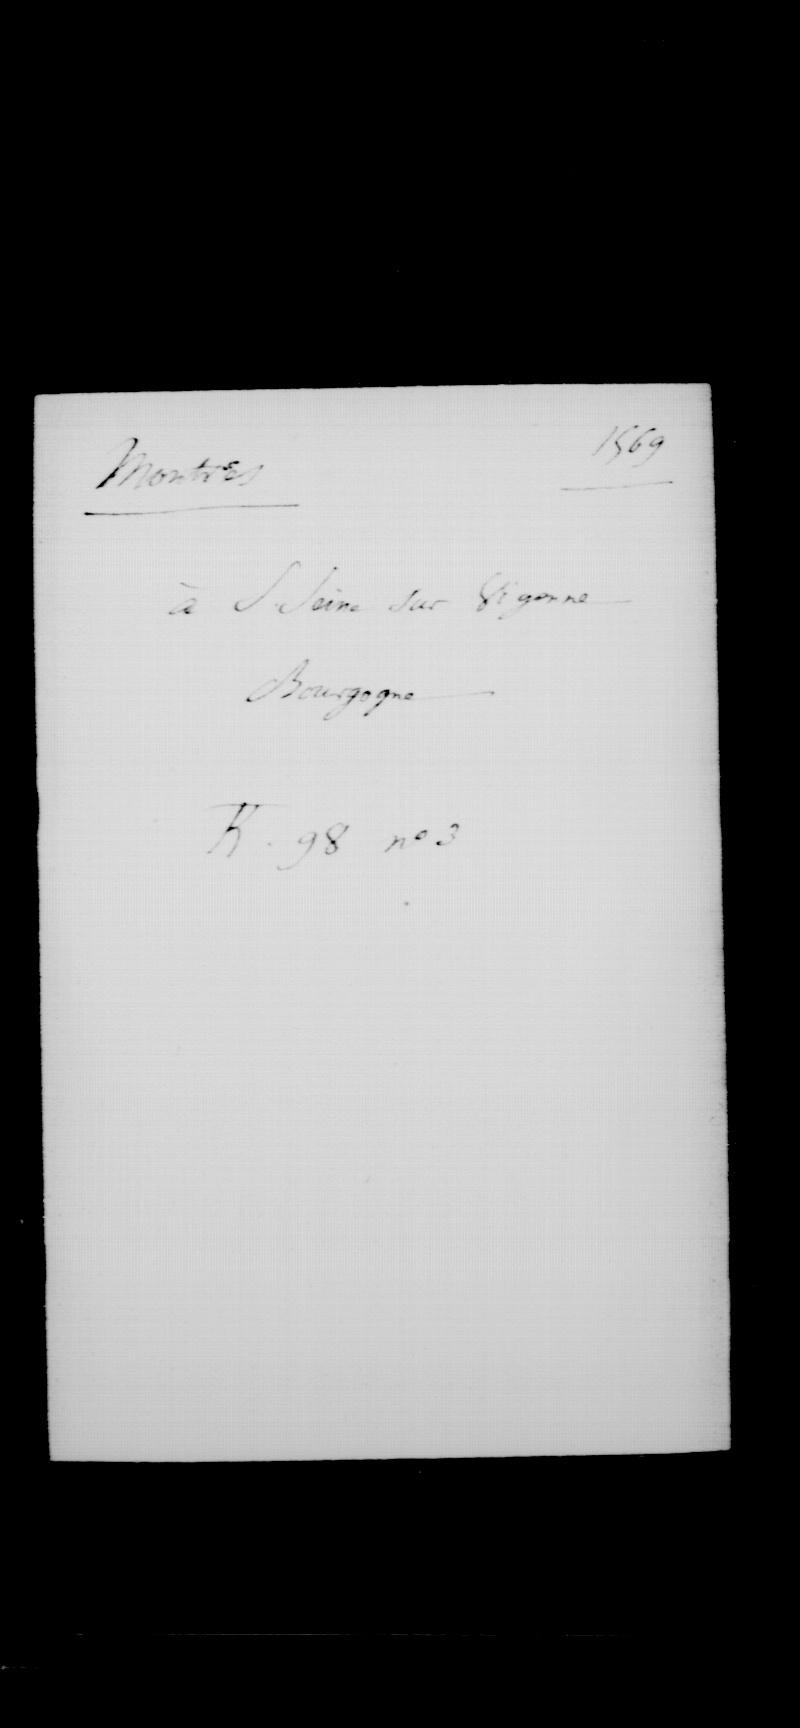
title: Montres
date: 1569
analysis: à Saint Seine sur Vigenne Bourgogne
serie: K
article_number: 98
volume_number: n° 3
